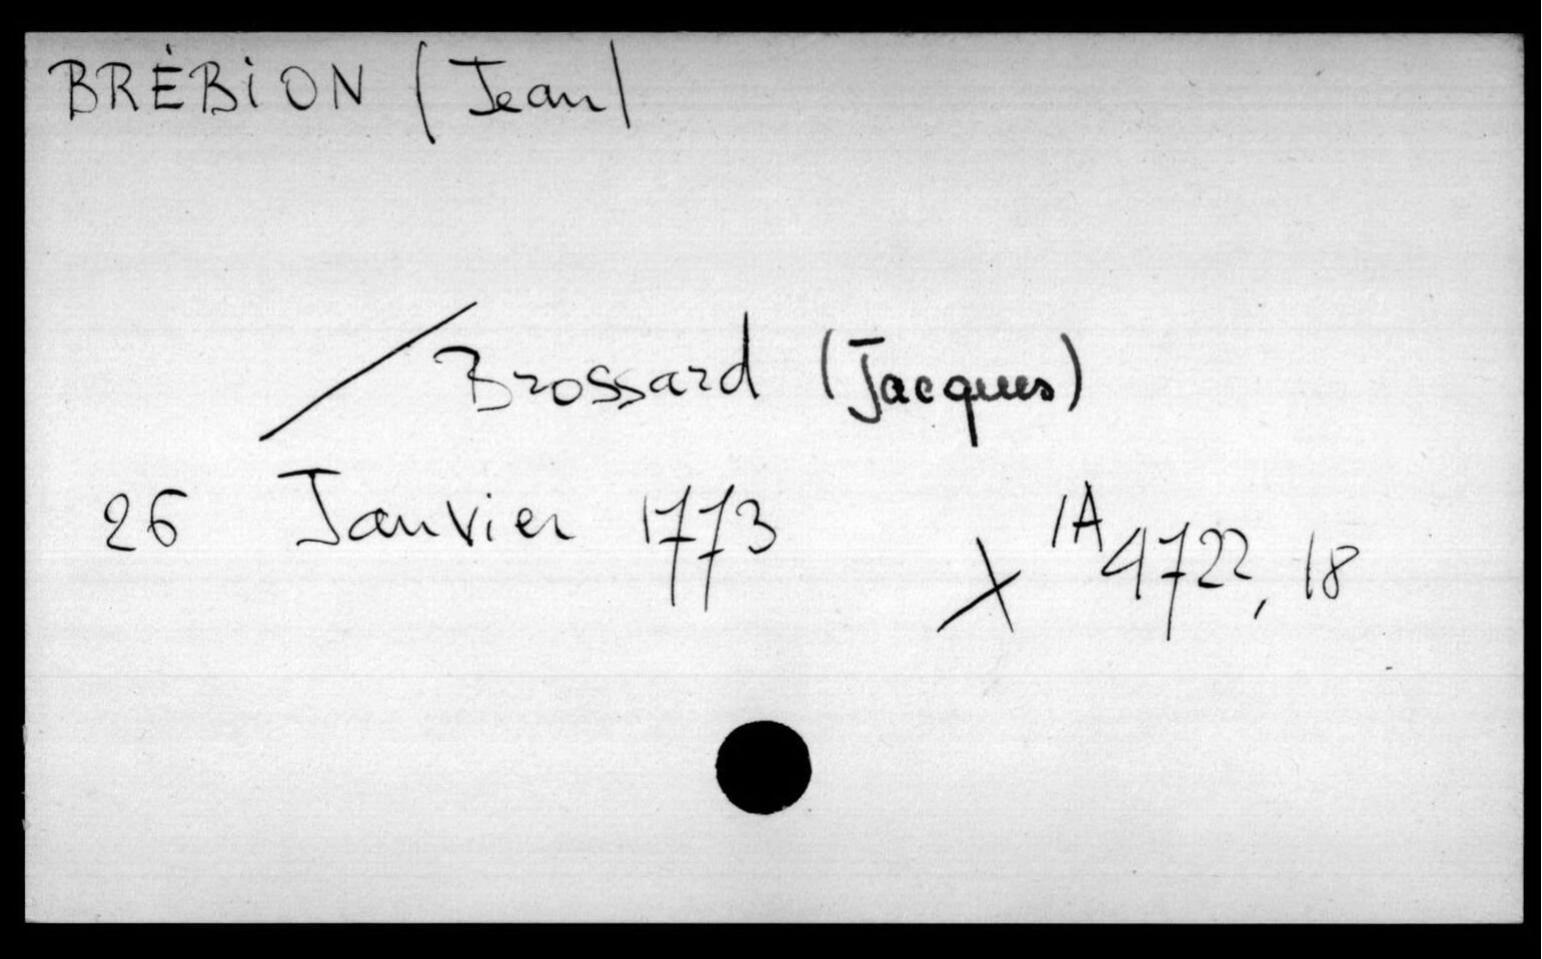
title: BRÉBION (Jean)
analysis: Contre Brossard (Jacques)
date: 26 janvier 1773
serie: X1A
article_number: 4722
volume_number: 18
